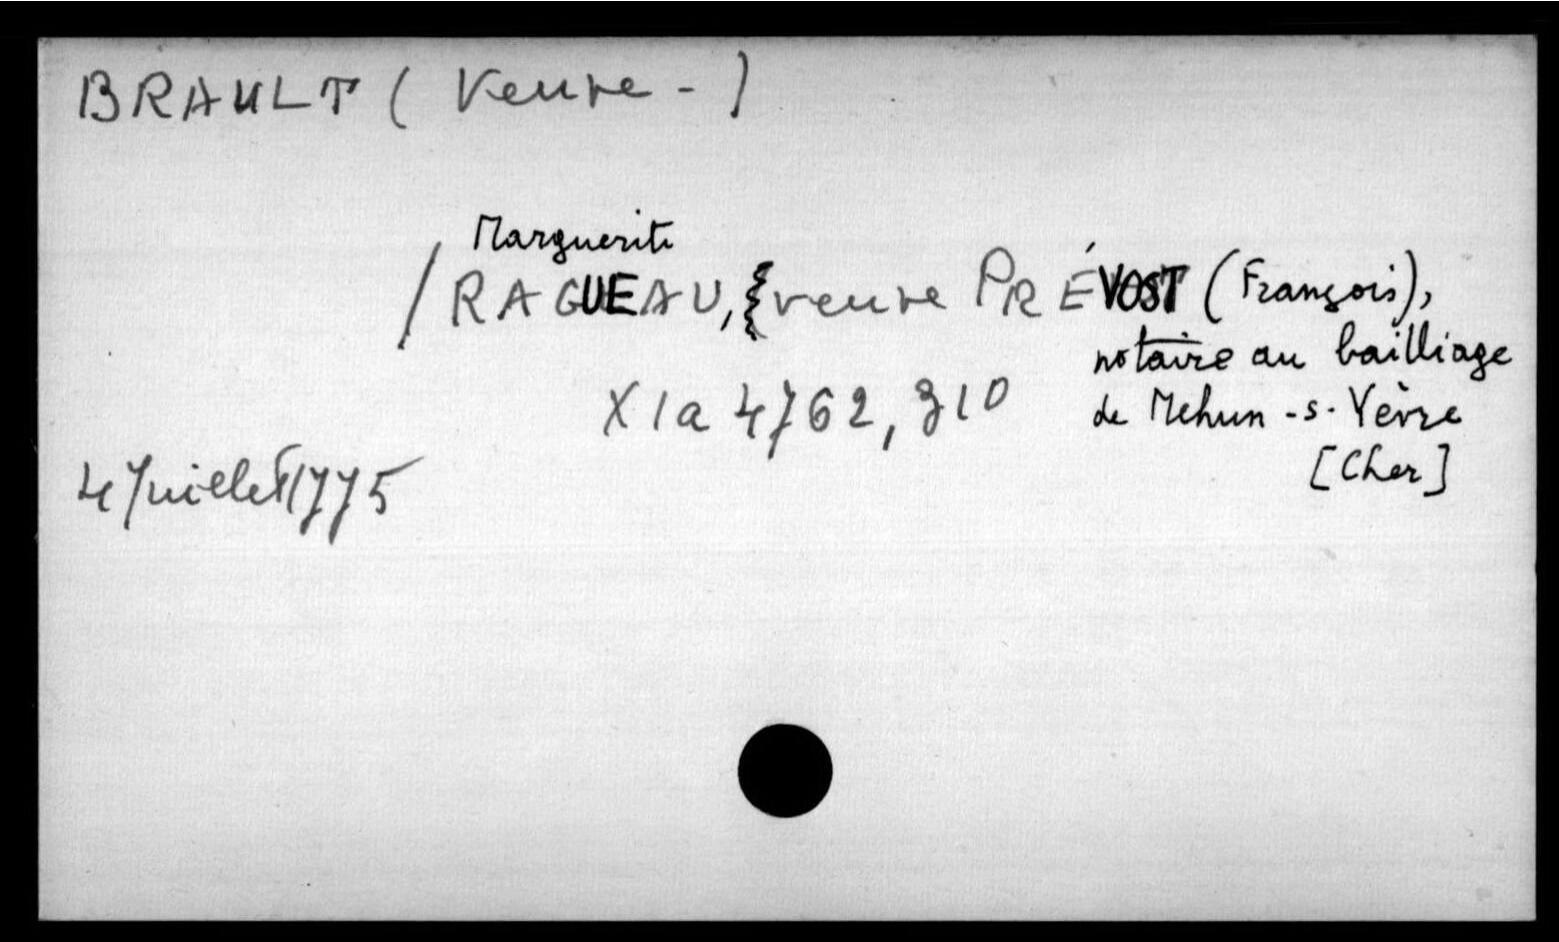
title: BRAULT (Veuve-)
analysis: Contre Marguerite RAGUEAU, veuve PRÉVOST (François) notaire au bailliage de Mehun-sur-Yèvre [Cher]
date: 4 juillet 1775
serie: X1a
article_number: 4762
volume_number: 310
